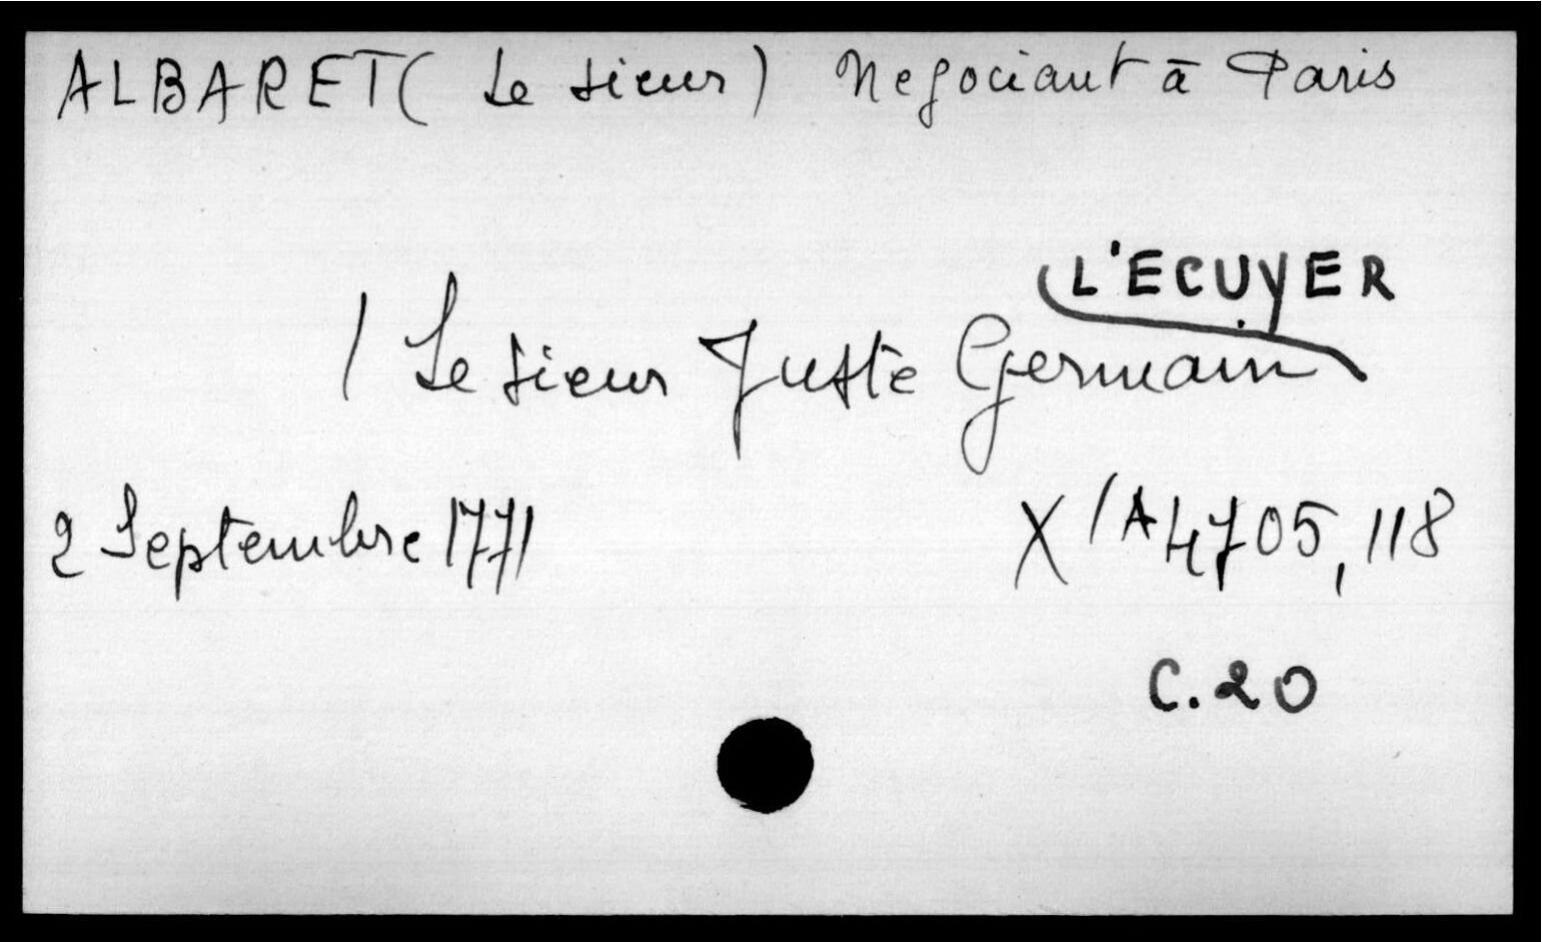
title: ALBARET (Le sieur) negociant à Paris
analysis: Contre le sieur Juste Germain L'ECUYER
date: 2 septembre 1771
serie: X1A
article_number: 4705
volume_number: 118 C.20
